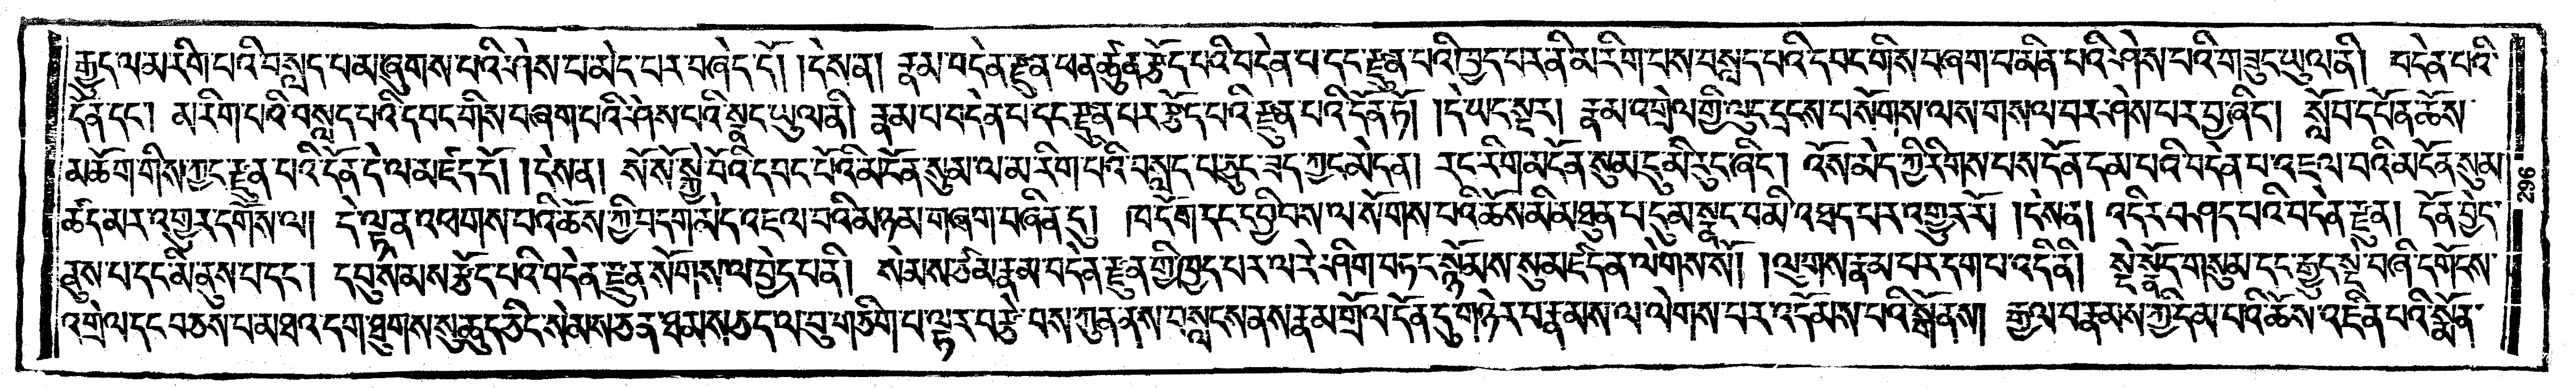རྒྱུད་ལ་མ་རིག་པའི་བསླད་པ་མ་ཞུགས་པའི་ཤེས་པ་མེད་པར་བཞེད་དོ། །དེས་ན། རྣམ་བདེན་རྫུན་ཕན་ཚུན་རྩོད་པའི་བདེན་པ་དང་རྫུན་པའི་ཁྱད་པར་ནི་མ་རིག་པས་བསླད་པའི་དབང་གིས་བཞག་པ་མིན་པའི་ཤེས་པའི་གཟུང་ཡུལ་ནི། བདེན་པའི་
དོན་དང་། མ་རིག་པའི་བསླད་པའི་དབང་གིས་བཞག་པའི་ཤེས་པའི་སྣང་ཡུལ་ནི། རྣམ་པ་བདེན་པ་དང་རྫུན་པར་རྩོད་པའི་རྫུན་པའི་དོན་ཏོ། །དེ་ཡང་སྔར། རྣམ་འགྲེལ་གྱི་ལུང་དྲངས་པ་སོགས་ལས་གསལ་བར་ཤེས་པར་བྱ་ཞིང་། སློབ་དཔོན་ཆོས་
མཆོག་གིས་ཀྱང་རྫུན་པའི་དོན་དེ་ལ་མཛད་དོ། །དེས་ན། སོ་སོ་སྐྱེ་བོའི་དབང་པོའི་མངོན་སུམ་ལ་མ་རིག་པའི་བསླད་པ་ཅུང་ཟད་ཀྱང་མེད་ན། རང་རིག་མངོན་སུམ་དུ་མི་རུང་ཞིང་། འོས་མེད་ཀྱི་རིགས་པས་དོན་དམ་པའི་བདེན་པ་འཇལ་བའི་མངོན་སུམ་
ཚད་མར་འགྱུར་དགོས་ལ། དེ་ལྟ་ན་འཕགས་པའི་ཆོས་ཀྱི་བདག་མེད་འཇལ་བའི་མཉམ་གཞག་བཞིན་དུ། ཁ་དོག་དང་དབྱིབས་ལ་སོགས་པའི་ཆོས་མི་མཐུན་པ་དུ་མ་སྣང་བ་མི་འཐད་པར་འགྱུར་རོ། །དེས་ན། འདིར་བཤད་པའི་བདེན་རྫུན། དོན་བྱེད་
ནུས་པ་དང་མི་ནུས་པ་དང་། དབུ་སེམས་རྩོད་པའི་བདེན་རྫུན་སོགས་ལ་བྱེད་པ་ནི། སེམས་ཙམ་རྣམ་བདེན་རྫུན་གྱི་ཁྱད་པར་ལ་རེ་ཤིག་བཏང་སྙོམས་སུ་མཛད་ན་ལེགས་སོ། །ལུགས་རྣམ་པར་དག་པ་འདི་ནི། སྡེ་སྣོད་གསུམ་དང་རྒྱུད་སྡེ་བཞི་དགོངས་
འགྲེལ་དང་བཅས་པ་མཐའ་དག་ཐུགས་སུ་ཆུད་ཅིང་སེམས་ཅན་ཐམས་ཅད་ལ་བུ་གཅིག་པ་ལྟར་བརྩེ་བས་ཀུན་ནས་བསླངས་ནས་རྣམ་གྲོལ་དོན་དུ་གཉེར་བ་རྣམས་ལ་ལེགས་པར་འདོམས་པའི་སྒོ་ནས། རྒྱལ་བ་རྣམས་ཀྱི་དམ་པའི་ཆོས་འཛིན་པའི་སྨོན་